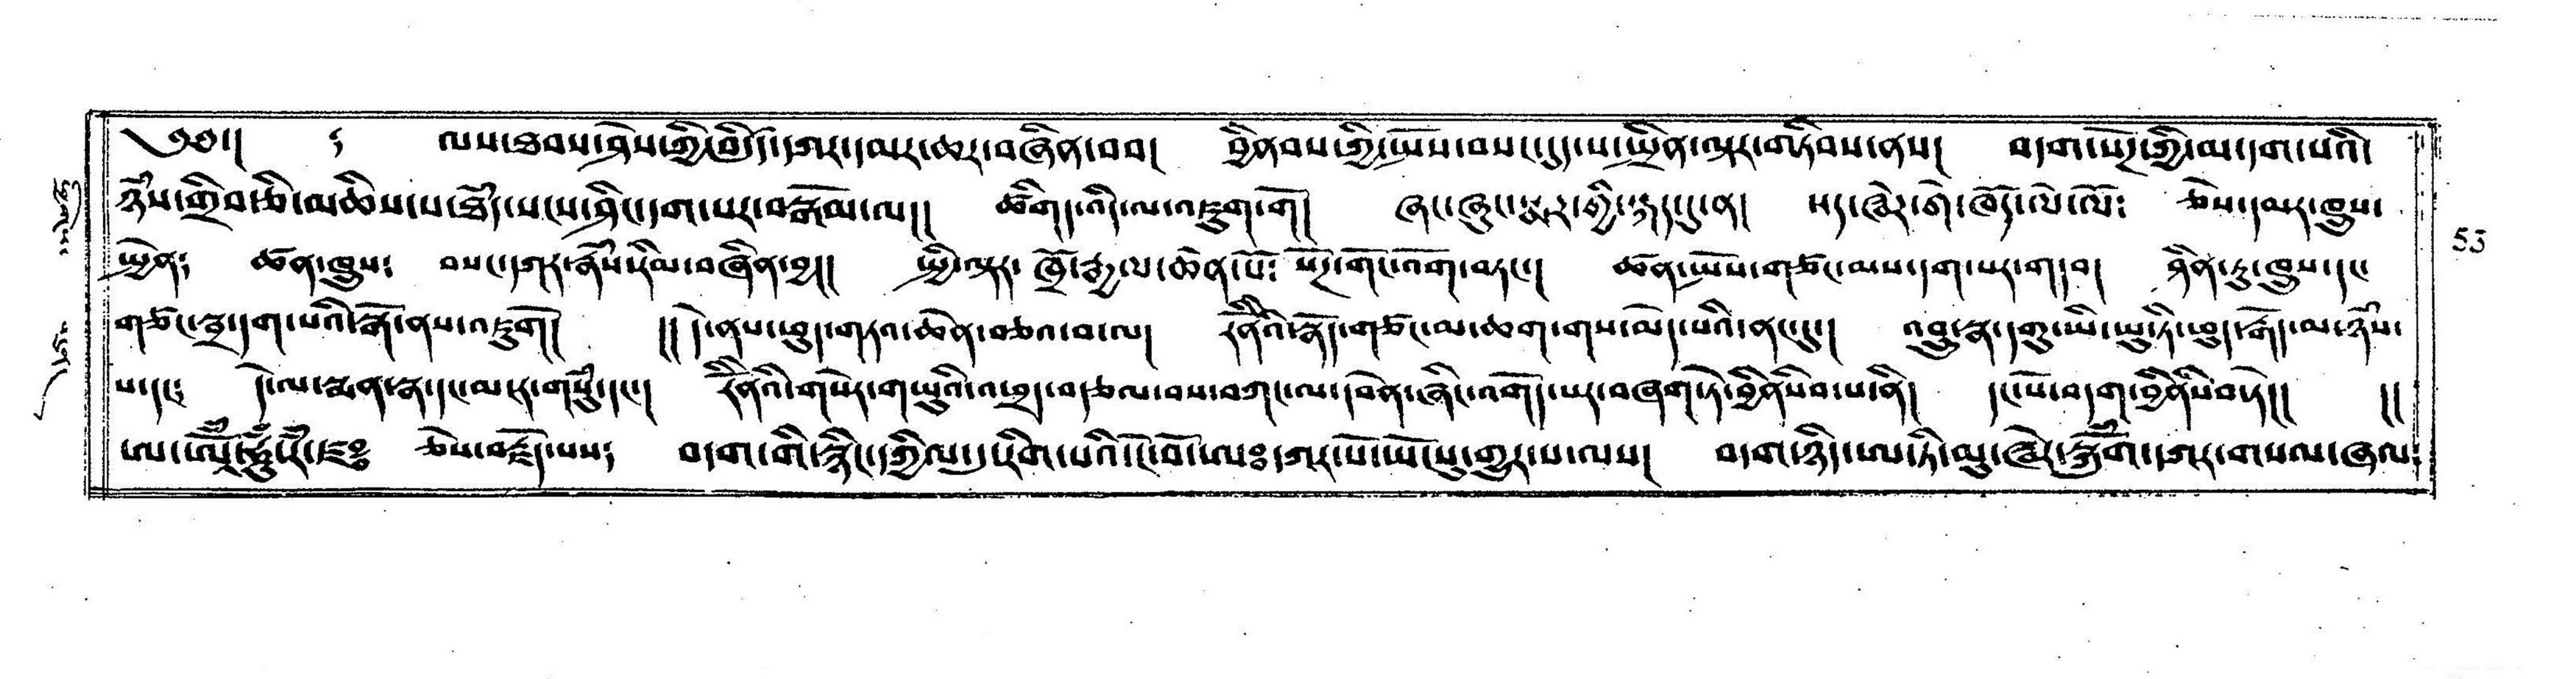ལས་ཐབས་ཤེས་ཀྱི་བདུད་རྩི་དཀར་དམར་ཆར་བཞིན་བབ། བྱིན་རླབས་ཀྱི་སྤོས་བསང་དུད་པ་སྤྲིན་ལྟར་གཏིབས་ནས། བདག་སོགས་ཀྱི་མ་དག་པའི་
ཉམས་གྲིབ་ཅི་མཆིས་པ་ཐམས་ཅད་སངས་ཤིང་དག་པར་བསྒོམ་ལ།། ཚིག་བཤད་འདི་ལ་འཇུག་གོ ཞང་ཞུང་སྨར་གྱི་སྐད་དུ་ན། སད་ཝེར་གེ་ཁོད་ལེ་ལོ༴ ཅེས་དམར་ཁྲུས་
སྤྱ་འདྲེན། ཚན་ཁྲུས༴ བསང་དཀར་རྣམས་རིམ་བཞིན་བྱ།། སྤྱི་ལྟར་ཁྲོ་རྒྱལ་ཆེན་པོ༴ སོགས་གོང་འོག་བཏང་། ཚན་སྤོས་གཙང་མས་དག་པར་གདབ། ཤིན་ཏུ་ཁྲུས་དང་
གཙང་སྦྲ་དག་པའི་སྒོ་ནས་འཇུག་གོ །།དེ་ནས་ཕུད་གཏའ་ཆེན་བཅའ་བ་ལ། རིན་པོ་ཆེའི་སྣོད་གཙང་མ་ཆག་གས་མེད་པའི་ནང་དུ། འབྲུ་སྣ་དགུ་ཡི་ཡུ་ཏི་ཕུད་རྒོད་མ་ཉམས་
པ་དང་། དེ་ལ་སྨན་སྣ་དང་མངར་གསུམ་དང་། རིན་པོ་ཆེའི་གསེར་གཡུའི་འཕྲད་བརྩལ་བས་བཀང་ལ་དབེན་ཞིང་འགོད་པར་བཞག་ཏེ་བྱིན་གྱིས་བརླབས་པ་ནི། དང་པོ་བདག་བྱིན་གྱིས་བརླབས་ཏེ།། 
ཨ་ཨཱོཾ་ཧཱུྃ་རཾ་ཛཿ ཅེས་བརྗོད་པས བདག་གི་སྙིང་དཀྱིལ་དུ་རིག་པའི་ངོ་བོ་ཨཿདཀར་པོ་ཡོངས་སུ་གྱུར་པ་ལས། བདག་ཉིད་ཨ་ཏི་མུ་ཝེར་སྐུ་མདོག་དཀར་གསལ་ཞལ་